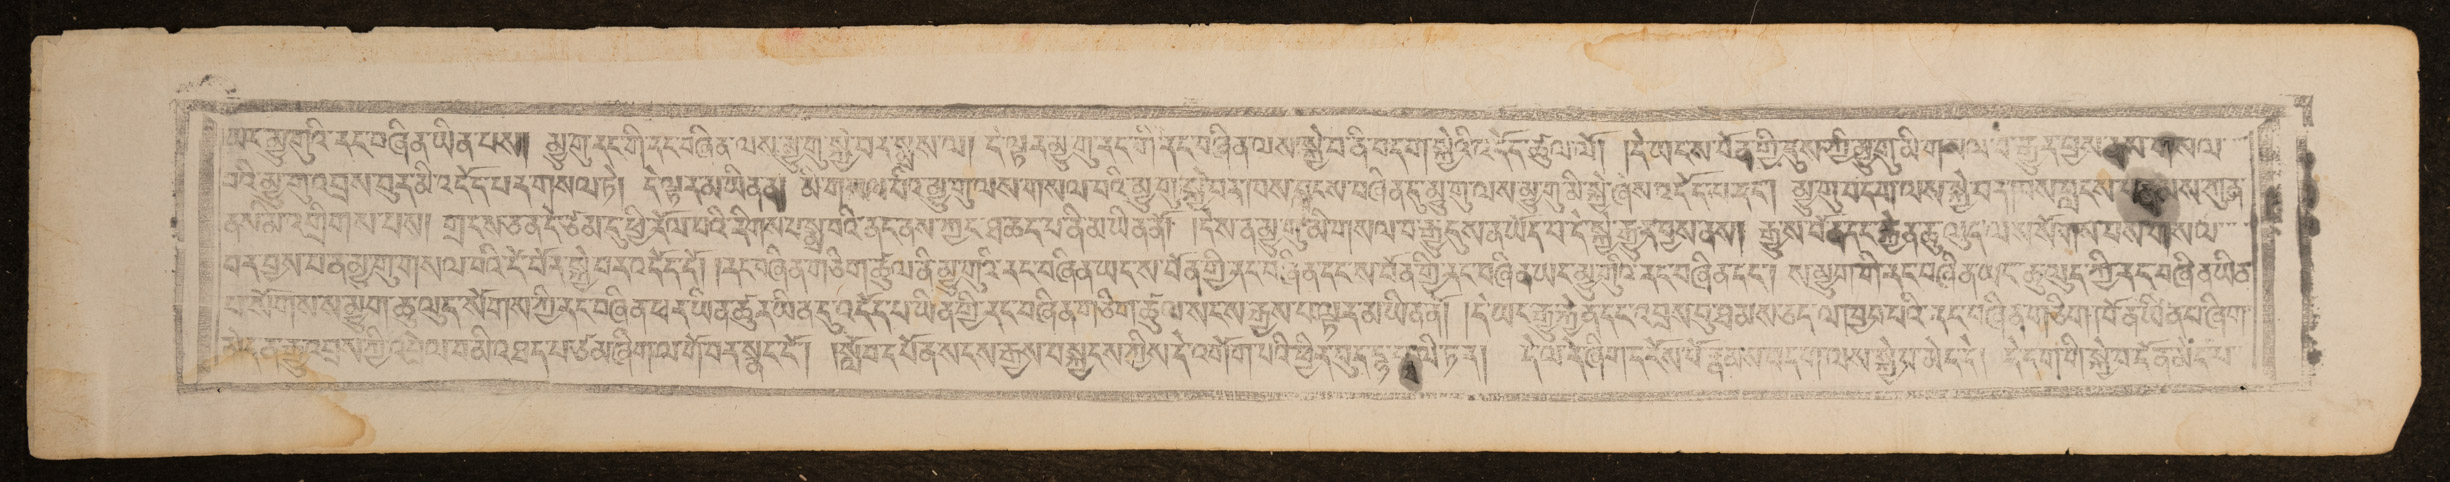ཡང་མྱུ་གུའི་རང་བཞིན་ཡིན་པས། མྱུ་གུ་རང་གི་རང་བཞིན་ལས་མྱུ་གུ་སྐྱེ་བར་སྨྲས་ལ། དེ་ལྟར་མྱུ་གུ་རང་གི་རང་བཞིན་ལས་སྐྱེ་བ་ནི་བདག་སྐྱེའི་འདོད་ཚུལ་ལོ། །དེ་ཡང་ས་བོན་གྱི་དུས་ཀྱི་མྱུ་གུ་མི་གསལ་བ་རྒྱུར་བྱས་ནས་གསལ་
བའི་མྱུ་གུ་འབྲས་བུར་མི་འདོད་པར་གསལ་ཏེ། དེ་ལྟར་མ་ཡིན་ན། མི་གསལ་བའི་མྱུ་གུ་ལས་གསལ་བའི་མྱུ་གུ་སྐྱེ་བར་ཁས་བླངས་བཞིན་དུ་མྱུ་གུ་ལས་མྱུ་གུ་མི་སྐྱེ་ཞེས་འདོད་པ་དང་། མྱུ་གུ་བདག་ལས་སྐྱེ་བར་ཁས་བླངས་པ་རྣམས་ཀུན་
ནས་མི་འགྲིགས་པས། གྲངས་ཅན་དེ་ཙམ་དུ་ཕྱི་རོལ་པའི་རིགས་པ་སྨྲ་བའི་ནང་ནས་ཀྱང་ཐ་ཆད་པ་ནི་མ་ཡིན་ནོ། །དེས་ན་མྱུ་གུ་མི་གསལ་བ་རྒྱུ་དུས་ན་ཡོད་པ་དེ་སྐྱེ་རྒྱུར་བྱས་ནས། རྒྱུ་ས་བོན་དང་རྐྱེན་ཆུ་ལུད་ལས་སོགས་པས་གསལ་
བར་བྱས་པ་ན་མྱུ་གུ་གསལ་བའི་ངོ་བོར་སྐྱེ་བར་འདོད་དོ། །རང་བཞིན་གཅིག་ཚུལ་ནི་མྱུ་གུའི་རང་བཞིན་ཡང་ས་བོན་གྱི་རང་བཞིན་དང་ས་བོན་གྱི་རང་བཞིན་ཡང་མྱུ་གུའི་རང་བཞིན་དང་། ས་མྱུག་གི་རང་བཞིན་ཡང་ཆུ་ལུད་ཀྱི་རང་བཞིན་ཡིན་
པ་སོགས་ས་མྱུག་ཆུ་ལུད་སོགས་ཀྱི་རང་བཞིན་ཕར་ཡིན་ཚུར་ཡིན་དུ་འདོད་པ་ཡིན་གྱི་རང་བཞིན་གཅིག་ཚུལ་སངས་རྒྱས་པ་ལྟར་མ་ཡིན་ནོ། །དེ་ཡང་རྒྱུ་རྐྱེན་དང་འབྲས་བུ་ཐམས་ཅད་ལ་ཁྱབ་པའི་རང་བཞིན་གཅིག་ཁོ་ན་ཡིན་པ་ཞིག་
མེད་ན་རྒྱུ་འབྲས་ཀྱི་འབྲེལ་བ་མི་འཐད་པ་ཙམ་ཞིག་ལ་གོ་བར་སྣང་ངོ། །སློབ་དཔོན་སངས་རྒྱས་བསྐྱངས་ཀྱིས་དེ་འགོག་པའི་ཕྱིར་བུདྡྷ་པཱ་ལི་ཏར། དེ་ལ་རེ་ཞིག་དངོས་པོ་རྣམས་བདག་ལས་སྐྱེ་བ་མེད་དེ། དེ་དག་གི་སྐྱེ་བ་དོན་མེད་པ་